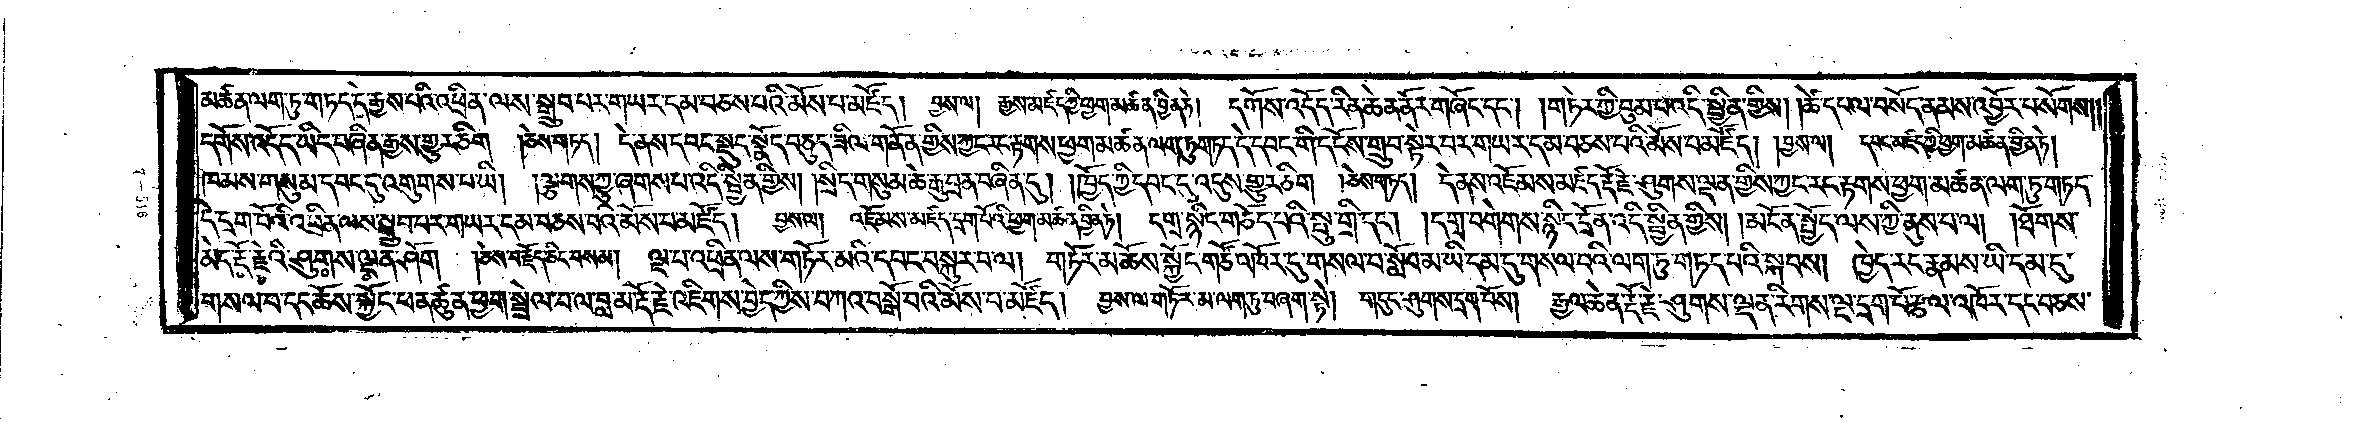མཚན་ལག་ཏུ་གཏད་དེ་རྒྱས་པའི་འཕྲིན་ལས་སྒྲུབ་པར་གཡར་དམ་བཅས་པའི་མོས་པ་མཛོད། བྱས་ལ། རྒྱས་མཛད་ཀྱི་ཕྱག་མཚན་བྱིན་ཏེ།  དགོས་འདོད་རིན་ཆེན་ནོར་གཞོང་དང་། །གཏོར་གྱི་བུམ་པ་འདི་སྦྱིན་གྱིས། །ཚེ་དཔལ་བསོད་ནམས་འབྱོར་བ་སོགས།།
དགོས་འདོད་ཡིད་བཞིན་རྒྱས་གྱུར་ཅིག །ཅེས་གཏད། དེ་ནས་དབང་སྡུད་སྣོད་བཅུད་ཟིལ་གནོན་གྱིས་ཀྱང་རང་རྟགས་ཕྱག་མཚན་ལག་ཏུ་གཏད་དེ་དབང་གི་དངོས་གྲུབ་སྟེར་པར་གཡར་དམ་བཅས་པའི་མོས་པ་མཛོད། །བྱས་ལ། དབང་མཛད་ཀྱི་ཕྱག་མཚན་བྱིན་ཏེ།
ཁམས་གསུམ་དབང་དུ་འགུགས་པ་ཡི། །ལྕགས་ཀྱུ་ཞགས་པ་འདི་སྦྱིན་གྱིས། །སྲིད་གསུམ་ཆེ་རྒུ་བྲན་བཞིན་དུ། །ཁྱོད་ཀྱི་དབང་དུ་འདུས་གྱུར་ཅིག །ཅེས་གཏད། དེ་ནས་འཇོམས་མཛད་རྡོ་རྗེ་ཤུགས་ལྡན་གྱིས་ཀྱང་རང་རྟགས་ཕྱག་མཚན་ལག་ཏུ་གཏད་
དེ་དྲག་པོའི་འཕྲིན་ལས་སྒྲུབ་པར་གཡར་དམ་བཅས་པའི་མོས་པ་མཛོད། བྱས་ལ། འཛོམས་མཛད་དྲག་པོའི་ཕྱག་མཚན་བྱིན་ཏེ།  དགྲ་སྙིང་གཅོད་པའི་སྤུ་གྲི་དང་། །དགྲ་བགེགས་སྙིང་དྲོན་འདི་སྦྱིན་གྱིས། །མངོན་སྤྱོད་ལས་ཀྱི་ནུས་པ་ལ། །ཐོགས་
མེད་རྡོ་རྗེའི་ཤུགས་ལྡན་ཤོག་།ཅེས་བརྗོད་ཅིང་བསམ།  ལྔ་པ་འཕྲིན་ལས་གཏོར་མའི་དབང་བསྐུར་བ་ལ། གཏོར་མ་ཆོས་སྐྱོང་གཙོ་འཁོར་དུ་གསལ་བ་སློབ་མ་ཡི་དམ་དུ་གསལ་བའི་ལག་ཏུ་གཏད་པའི་སྐབས། ཁྱེད་རང་རྣམས་ཡི་དམ་དུ་
གསལ་བ་དང་ཆོས་སྐྱོང་ཕན་ཚུན་ཕྱག་སྦྲེལ་བ་ལ་བླ་མ་རྡོ་རྗེ་འཇིགས་བྱེད་ཀྱིས་བཀའ་བསྒོ་བའི་མོས་པ་མཛོད། བྱས་ལ་གཏོར་མ་ལག་ཏུ་བཞག་སྟེ། གདུང་ཤུགས་དྲག་པོས།  རྒྱལ་ཆེན་རྡོ་རྗེ་ཤུགས་ལྡན་རིགས་ལྔ་དྲག་པོ་རྩལ་འཁོར་དང་བཅས་